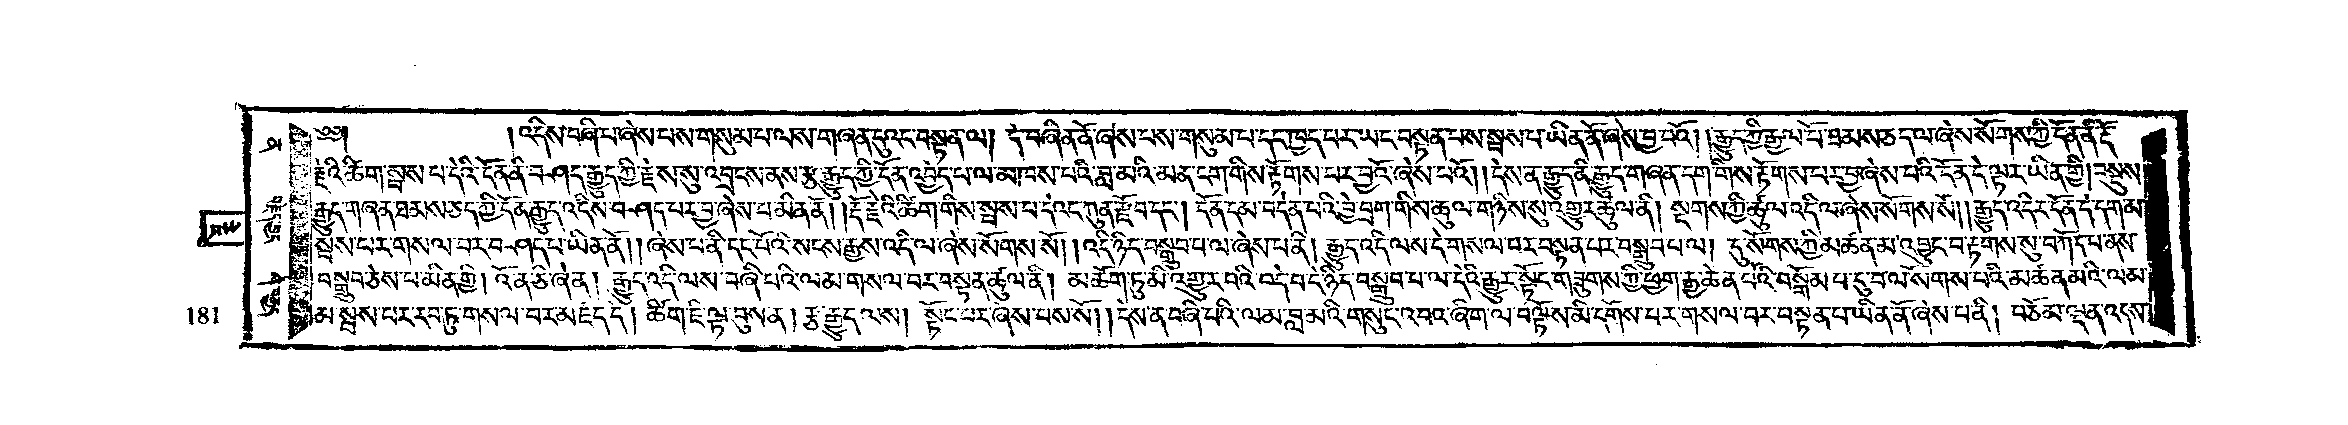༄༅། །འདིས་བཞི་པ་ཞེས་པས་གསུམ་པ་ལས་གཞན་དུའང་བསྟན་ལ། དེ་བཞིན་ནོ་ཞེས་པས་གསུམ་པ་དང་ཁྱད་པར་ཡང་བསྟན་པས་སྦས་པ་ཡིན་ནོ་ཞེས་བྱ་བའོ། །རྒྱུད་ཀྱི་རྒྱལ་པོ་ཐམས་ཅད་ལ་ཞེས་སོགས་ཀྱི་དོན་ནི་རྡོ་
རྗེའི་ཚིག་སྦས་པ་དེའི་དོན་ནི་བཤད་རྒྱུད་ཀྱི་རྗེས་སུ་འབྲངས་ནས་རྩ་རྒྱུད་ཀྱི་དོན་འབྱེད་པ་ལ་མཁས་པའི་བླ་མའི་མན་ངག་གིས་རྟོགས་པར་བྱའོ་ཞེས་པའོ། །དེས་ན་རྒྱུད་ནི་རྒྱུད་གཞན་དག་གིས་རྟོགས་པར་བྱ་ཞེས་པའི་དོན་དེ་ལྟར་ཡིན་གྱི། བསྡུས་
རྒྱུད་གཞན་ཐམས་ཅད་ཀྱི་དོན་རྒྱུད་འདིས་བཤད་པར་བྱ་ཞེས་པ་མིན་ནོ། །རྡོ་རྗེའི་ཚིག་གིས་སྦས་པ་དེའང་ཀུན་རྫོབ་དང་། དོན་དམ་བདེན་པའི་བྱེ་བྲག་གིས་ཚུལ་གཉིས་སུ་འགྱུར་ཚུལ་ནི། སྔགས་ཀྱི་ཚུལ་འདི་ལ་ཞེས་སོགས་སོ། །རྒྱུད་འདིར་དོན་དེ་དག་མ་
སྦས་པར་གསལ་བར་བཤད་པ་ཡིན་ནོ། །ཞེས་པ་ནི་དང་པོའི་སངས་རྒྱས་འདི་ལ་ཞེས་སོགས་སོ། །འདི་ཉིད་བསྒྲུབ་པ་ལ་ཞེས་པ་ནི། རྒྱུད་འདི་ལས་དེ་གསལ་བར་བསྟན་པར་བསྒྲུབ་པ་ལ། དུ་སོགས་ཀྱི་མཚན་མ་འབྱུང་བ་རྟགས་སུ་བཀོད་པ་ནས་
བསྒྲུབ་ཅེས་པ་མིན་གྱི། འོ་ན་ཅི་ཞེ་ན། རྒྱུད་འདི་ལས་བཞི་པའི་ལམ་གསལ་བར་བསྟན་ཚུལ་ནི། མཆོག་ཏུ་མི་འགྱུར་བའི་བདེ་བ་དེ་ཉིད་བསྒྲུབ་པ་ལ་དེའི་རྒྱུར་སྟོང་གཟུགས་ཀྱི་ཕྱག་རྒྱ་ཆེན་པོའི་བསྒོམ་པ་དུ་བ་ལ་སོགས་པའི་མཚན་མའི་ལམ་
མ་སྦས་པར་རབ་ཏུ་གསལ་བར་མཛད་དེ། ཚིག་ཇི་ལྟ་བུས་ན། རྩ་རྒྱུད་ལས། སྟོང་པར་ཞེས་པས་སོ། །དེས་ན་བཞི་པའི་ལམ་བླ་མའི་གསུང་འབའ་ཞིག་ལ་བལྟོས་མི་དགོས་པར་གསལ་བར་བསྟན་པ་ཡིན་ནོ་ཞེས་པ་ནི། བཅོམ་ལྡན་འདས་